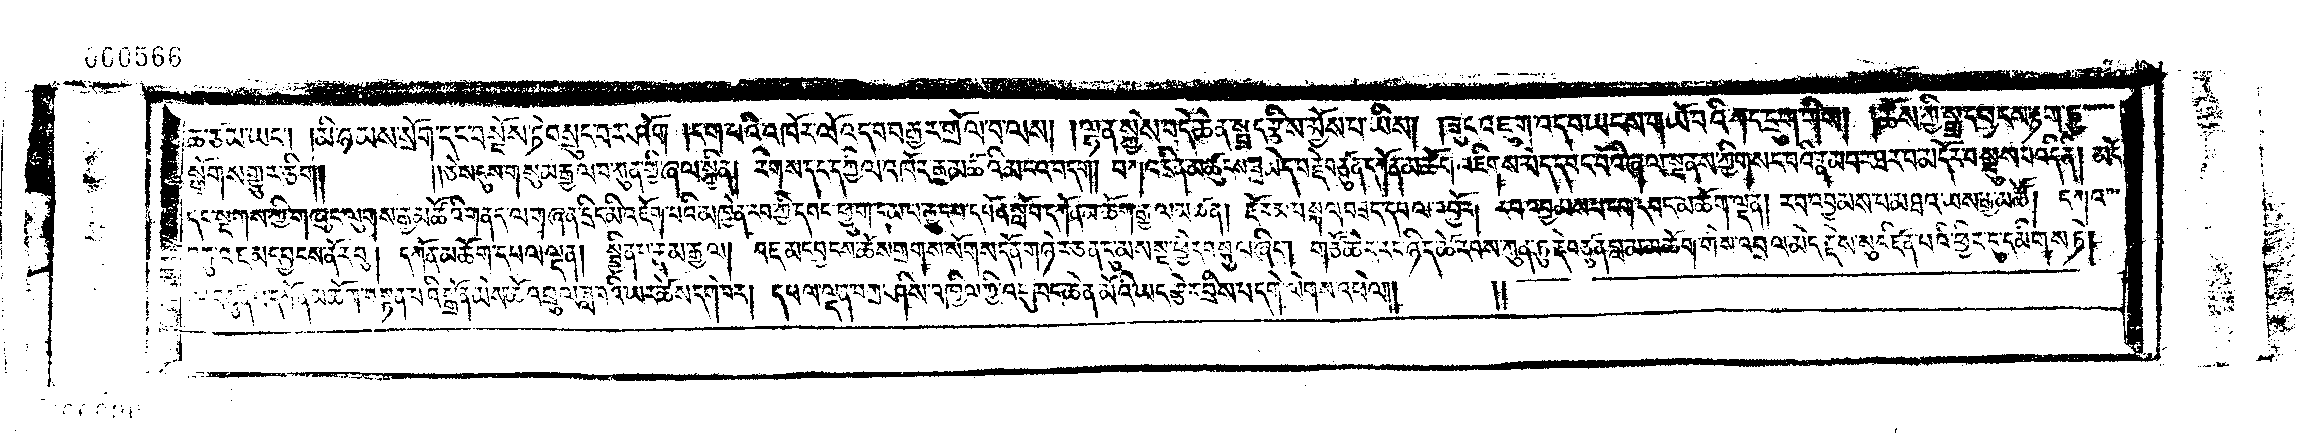ཆ་ཙམ་ཡང་། །མི་ཉམས་སྲོག་དང་བསྡོས་ཏེ་བསྲུང་བར་ཤོག །དག་པའི་འཁོར་ལོ་འདབ་བརྒྱར་གྲོལ་བ་ལས། །ལྷན་སྐྱེས་བདེ་ཆེན་སྦྲང་རྩིས་མྱོས་པ་ཡིས། །ཟུང་འཇུག་འདབ་ཡངས་གཡོ་བའི་རྐང་དྲུག་གིས། །ཆོས་ཀྱི་སྒྲ་དབྱངས་རྟག་ཏུ་
སྒྲོགས་གྱུར་ཅིག། །།ཅེས་དུས་གསུམ་རྒྱལ་བ་ཀུན་གྱི་ཞལ་སྐྱིན། རིགས་དང་དཀྱིལ་འཁོར་རྒྱ་མཚོའི་མངའ་བདག། བཀའ་དྲིན་མཚུངས་ཟླ་མེད་པ་རྗེ་བཙུན་དཀོན་མཆོག་འཇིགས་མེད་དབང་པོའི་ཞལ་སྔ་ནས་ཀྱི་གསང་བའི་རྣམ་པར་ཐར་པ་མདོར་བསྡུས་པ་འདི་ནི། མདོ་
དང་སྔགས་ཀྱི་གཞུང་ལུགས་རྒྱ་མཚོའི་གནད་ལ་གཞན་དྲིར་མི་འཇོག་པའི་མཁྱེན་རབ་ཀྱི་དབང་ཕྱུག་དམ་པ་རྒྱུད་པ་དཔོན་སློབ་དཀོན་མཆོག་རྒྱལ་མཚན། རྡོ་རམ་པ་སྐལ་བཟང་དཔལ་འབྱོར། རབ་འབྱམས་པ་ངག་དབང་མཆོག་ལྡན། རབ་འབྱམས་པ་མཐའ་ཡས་རྒྱ་མཚོ། དཀའ་
བཅུ་འཇམ་དབྱངས་ནོར་བུ། དཀོན་མཆོག་དཔལ་ལྡན། སྦྱིན་པ་རྣམ་རྒྱལ། འཇམ་དབྱངས་ཆོས་གྲགས་སོགས་དོན་གཉེར་ཅན་དུ་མས་སྔ་ཕྱིར་བསྐུལ་ཞིང་། གཙོ་ཆེར་རང་ཉིད་ཚེ་རབས་ཀུན་ཏུ་རྗེ་བཙུན་བླ་མ་མཆོག་གིས་འབྲལ་མེད་རྗེས་སུ་འཛིན་པའི་ཕྱིར་དུ་དམིགས་ཏེ།
༧་བཙུན་པ་དཀོན་མཆོག་བསྟན་པའི་སྒྲོན་མེས་ཆོ་འཕྲུལ་ཟླ་བའི་ཡར་ཚེས་དགེ་བར། དཔལ་ལྡན་བཀྲ་ཤིས་འཁྱིལ་གྱི་འདུ་ཁང་ཆེན་མོའི་ཡང་རྩེར་བྲིས་པ་དགེ་ལེགས་འཕེལ།། །།